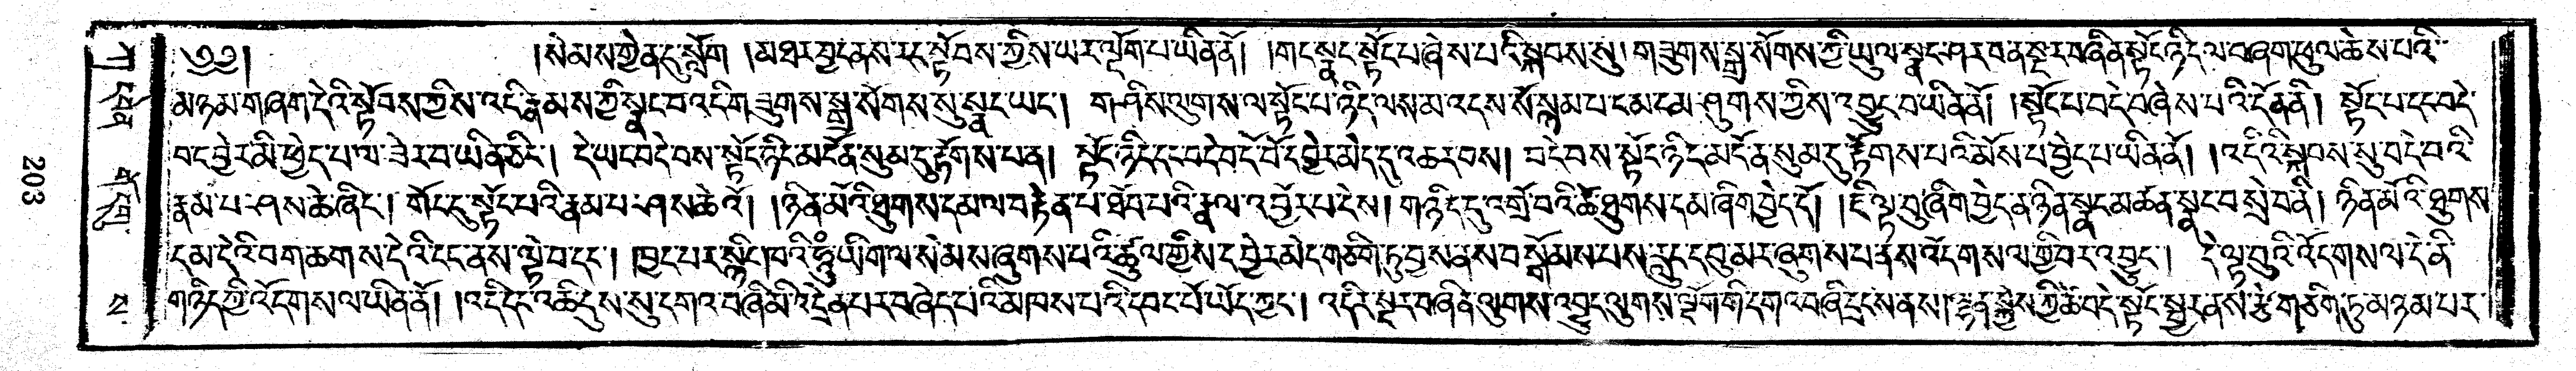༄༅། །སེམས་གྱེན་དུ་སློག །མཐར་བྱང་ནས་རང་སྟོབས་ཀྱིས་ཡར་ལྡོག་པ་ཡིན་ནོ། །གང་སྣང་སྟོང་པ་ཞེས་པའི་སྐབས་སུ། གཟུགས་སྒྲ་སོགས་ཀྱི་ཡུལ་སྣང་ཤར་བ་ན་སྔར་བཞིན་སྟོང་ཉིད་ལ་བཞག་ཕུལ་ཆེས་པའི་
མཉམ་གཞག་དེའི་སྟོབས་ཀྱིས་འདི་རྣམས་ཀྱི་སྣང་བ་འདི་གཟུགས་སྒྲ་སོགས་སུ་སྣང་ཡང་། གཤིས་ལུགས་ལ་སྟོང་པ་ཉིད་ལས་མ་འདས་སོ་སྙམ་པ་ངམ་ངམ་ཤུགས་ཀྱིས་འབྱུང་བ་ཡིན་ནོ། །སྟོང་པ་བདེ་བཞེས་པའི་དོན་ནི། སྟོང་པ་དང་བདེ་
བ་དབྱེར་མི་ཕྱེད་པ་ལ་ཟེར་བ་ཡིན་ཅིང་། དེ་ཡང་བདེ་བས་སྟོང་ཉིད་མངོན་སུམ་དུ་རྟོགས་པ་ན། སྟོང་ཉིད་དང་བདེ་བ་ངོ་བོ་དབྱེར་མེད་དུ་འཆར་བས། བདེ་བས་སྟོང་ཉིད་མངོན་སུམ་དུ་རྟོགས་པའི་མོས་པ་བྱེད་པ་ཡིན་ནོ། །འདིའི་སྐབས་སུ་བདེ་བའི་
རྣམ་པ་ཤས་ཆེ་ཞིང་། གོང་དུ་སྟོང་པའི་རྣམ་པ་ཤས་ཆེའོ། །ཉིན་མོའི་ཐུགས་དམ་ལ་བརྟེན་པ་ཐོབ་པའི་རྣལ་འབྱོར་པ་དེས། གཉིད་དུ་འགྲོ་བའི་ཚེ་ཐུགས་དམ་ཞིག་བྱེད་དོ། །ཇི་ལྟ་བུ་ཞིག་བྱེད་ན་ཉིན་སྣང་མཚན་སྣང་བསྲེབ་ནི། ཉིན་མོའི་ཐུགས་
དམ་དེའི་བག་ཆགས་དེའི་ངང་ནས་ལྟེ་བ་དང་། ཁྱད་པར་སྙིང་ཁའི་ཧཱུཾ་ཡིག་ལ་སེམས་ཞུགས་པའི་ཚུལ་གྱིས་དབྱེར་མེད་གཅིག་ཏུ་བྱས་ནས་བསྒོམས་པས་རླུང་དབུ་མར་ཞུགས་པ་ནས་འོད་གསལ་གྱི་བར་འབྱུང་། དེ་ལྟ་བུའི་འོད་གསལ་དེ་ནི་
གཉིད་ཀྱི་འོད་གསལ་ཡིན་ནོ། །འདི་དང་འཆི་དུས་སུ་དགའ་བཞི་མི་འདྲེན་པར་བཞེད་པའི་མཁས་པའི་དབང་པོ་ཡོད་ཀྱང་། འདིར་སྔར་བཞིན་ལུགས་འབྱུང་ལུགས་ལྡོག་གི་དགའ་བཞི་དྲངས་ནས། ལྷན་སྐྱེས་ཀྱི་ཚེ་བདེ་སྟོང་སྦྱར་ནས་རྩེ་གཅིག་ཏུ་མཉམ་པར་